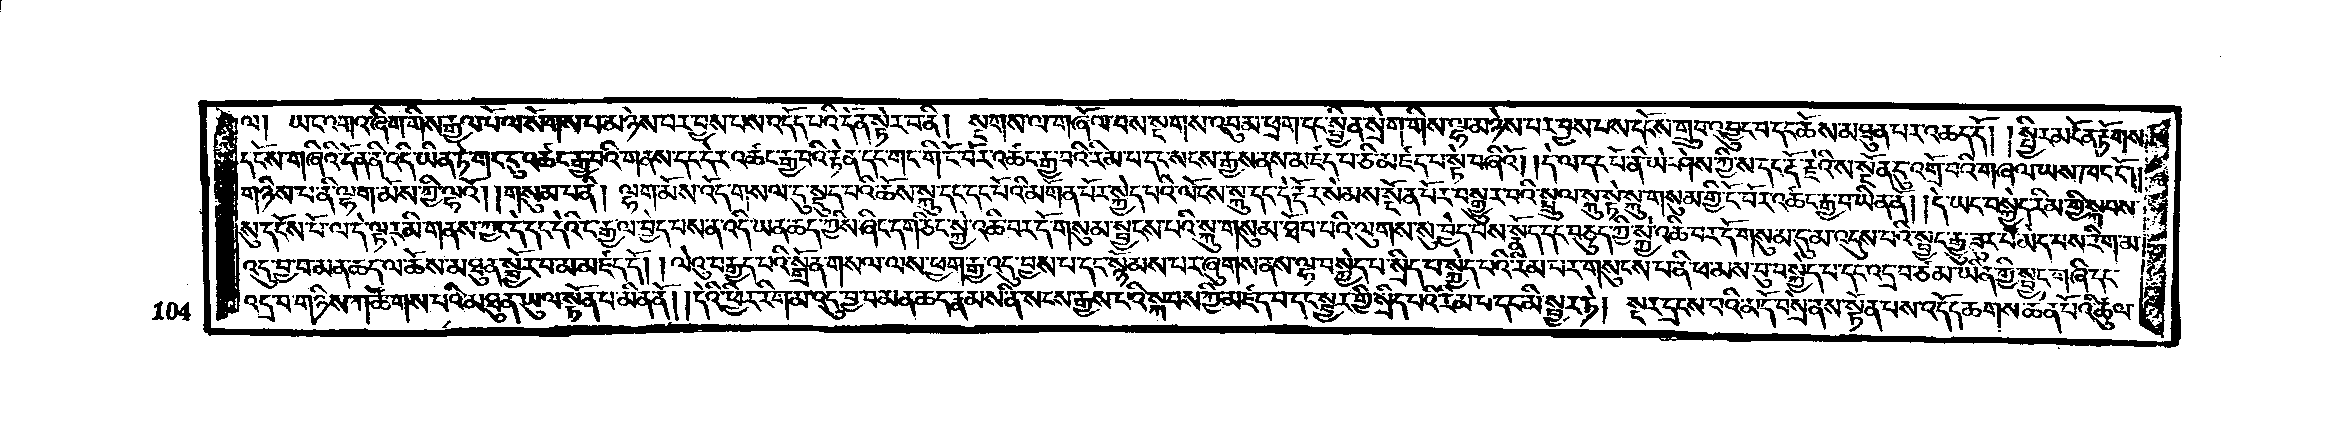ལ། ཡང་འགའ་ཞིག་གིས་རྒྱལ་པོ་ལ་སོགས་པ་མཉེས་པར་བྱས་པས་འདོད་པའི་དོན་སྟེར་བ་ནི། སྔགས་ལ་གཞོལ་བས་སྔགས་འབུམ་ཕྲག་དང་སྦྱིན་སྲེག་གིས་ལྷ་མཉེས་པར་བྱས་པས་དངོས་གྲུབ་འབྱུང་བ་དང་ཆོས་མཐུན་པར་འཆད་དོ། །སྤྱིར་མངོན་རྟོགས་
དངོས་གཞིའི་དོན་ནི་འདི་ཡིན་ཏེ་གང་དུ་འཚང་རྒྱ་བའི་གནས་དང་དེར་འཚང་རྒྱ་བའི་རྟེན་དང་གང་གི་ངོ་བོར་འཚང་རྒྱ་བའི་རིམ་པ་དང་སངས་རྒྱས་ནས་མཛད་པ་ཅི་མཛད་པ་སྟེ་བཞིའོ། །དེ་ལ་དང་པོ་ནི་ཡེ་ཤེས་ཀྱི་ས་དང་རྡོ་རྗེའི་ས་སྔོན་དུ་འགྲོ་བའི་གཞལ་ཡས་ཁང་ངོ། །
གཉིས་པ་ནི་ལྷག་མོས་ཀྱི་ལྷའོ། །གསུམ་པ་ནི། ལྷག་མོས་འོད་གསལ་དུ་སྡུད་པའི་ཆོས་སྐུ་དང་དང་པོའི་མགོན་པོར་སྐྱེད་པའི་ལོངས་སྐུ་དང་དེ་རྡོར་སེམས་སྔོན་པོར་བསྒྱུར་བའི་སྤྲུལ་སྐུ་སྟེ་སྐུ་གསུམ་གྱི་ངོ་བོར་འཚང་རྒྱ་བ་ཡིན་ནོ། །དེ་ཡང་བསྐྱེད་རིམ་གྱི་སྐབས་
སུ་དངོས་པོ་ལ་དེ་ལྟར་མི་གནས་ཀྱང་དེ་དང་དེའི་ང་རྒྱལ་བྱེད་པས་ན་འདི་ཡན་ཆད་ཀྱིས་ཞིང་དག་ཅིང་སྐྱེ་འཆི་བར་དོ་གསུམ་སྦྱངས་པའི་སྐུ་གསུམ་ཐོབ་པའི་ལུགས་སུ་བྱེད་པས་སྣོད་དང་བཅུད་ཀྱི་སྐྱེ་འཆི་བར་དོ་གསུམ་དུ་མ་འདུས་པའི་སྦྱང་རྒྱུ་ཟུར་པ་མེད་པས་རིག་མ་
འདུ་བྱ་བ་མན་ཆད་ལ་ཆོས་མཐུན་སྦྱོར་བ་མ་མཛད་དོ། །ལེའུ་བརྒྱད་པའི་སྒྲོན་གསལ་ལས་ཕྱག་རྒྱ་འདུ་བྱས་པ་དང་སྙོམས་པར་ཞུགས་ནས་ལྷ་བསྐྱེད་པ་སྲིད་པ་སྐྱེད་པའི་རིམ་པར་གསུངས་པ་ནི་ཕ་མས་བུ་བསྐྱེད་པ་དང་འདྲ་བ་ཙམ་ཡིན་གྱི་སྦྱང་གཞི་དང་
འདྲ་བ་གཉིས་ཀ་ཚོགས་པའི་མཐུན་ཡུལ་སྟོན་པ་མིན་ནོ། །དེའི་ཕྱིར་རིག་མ་འདུ་བྱ་བ་མན་ཆད་རྣམས་ནི་སངས་རྒྱས་པའི་སྐབས་ཀྱི་མཛད་པ་དང་སྦྱར་གྱི་སྲིད་པའི་རིམ་པ་དང་མི་སྦྱར་ཏེ། སྔར་དྲངས་པའི་མདོ་བསྲེ་ནས་སྟོན་པས་འདོད་ཆགས་ཆེན་པོའི་ཚུལ་